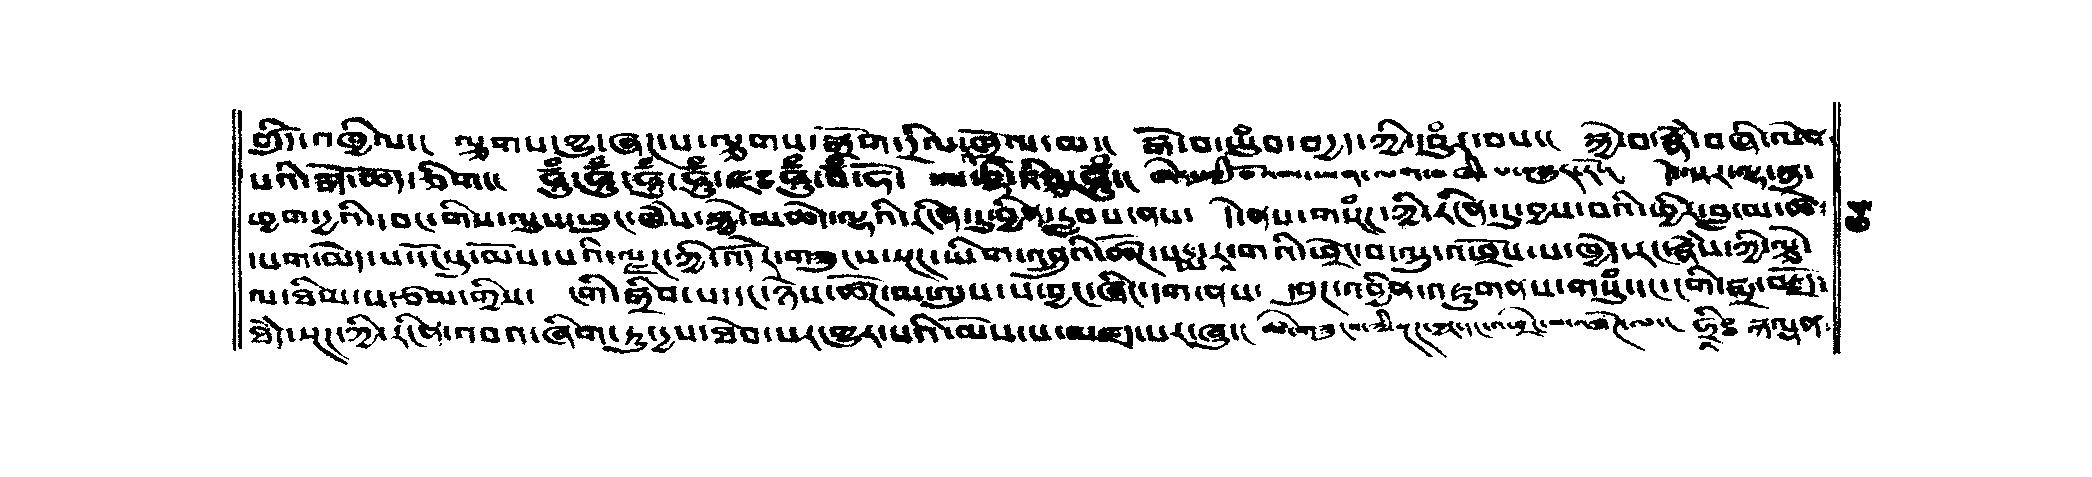བདུད་རྩིད་འཁྱིལ། ལྕགས་ཀྱུ་ཞགས་པ་ལྕགས་སྒྲོག་དྲིལ་འཁྲོལ་མ། སྒོ་བ་ཡབ་ཡུམ་བརྒྱད་ཀྱི་དབང་བསྐུར་བས། སྐྱེ་བ་རྣམ་བཞི་ལེན་
པའི་སྒོ་ཆོད་ཅིག ཧཱུྃ་ཧཱུྃ་ཧཱུྃ་ཧཱུྃ་ཛཿཧཱུྃ་བྃ་ཧོ། ཨ་བྷི་རིཉྩ་ཧཱུྃ། ཞེས་སྤྱི་བོའམ་ཡན་ལག་བཞི་པ་བསྐུར་རོ། དེ་ལྟར་ལྷ་སྐུ་
ཕྱག་རྒྱའི་དབང་གིས་ལུས་ཕུང་ཁམས་སྐྱེ་མཆེད་ལྷའི་རང་བཞིན་དུ་བྱིན་རླབས་ནས། དེ་ནས་གསང་སྔགས་ཀྱི་རང་བཞིན་དུ་བྱས་པའི་ཕྱིར་བླ་མཚེ་
དཔག་མེད་པ་དངོས་སུ་མོས་ྃའི་ལྗགས་ཀྱི་འོད་ཟེར་གཟུངས་སྔགས་ཡིག་འབྲུའི་ཚོགས་པདྨ་རཱ་གའི་ཕྲེང་བ་ལྟ་བུ་འཕྲོས་པ་ཁྱེད་རང་རྣམས་ཀྱི་ལྕེ་
ལ་ཐིམ་པ་ཙམ་གྱིས། ངག་གི་སྒྲིབ་པ་དག་ཉེས་ཚོགས་མ་ལུས་པ་བྱང་ཞིང་དག་ནས། དབུགས་འབྱིན་འཇུག་གནས་གསུམ་དང་ངག་གི་སྨྲ་བརྗོད་
ཐམས་ཅད་སྔགས་ཀྱི་རང་བཞིན་འབའ་ཞིག་ཏུ་རྒྱས་ཐེབ་པར་གྱུར་པའི་མོས་པ་མཛད་པར་ཞུ།ཚེ་གཟུངས་ཀྱི་སྔགས་བྱང་དང་འཕྲེང་བ་འཐོགས་ལ། ཧྲཱིཿསྐལ་ལྡན་